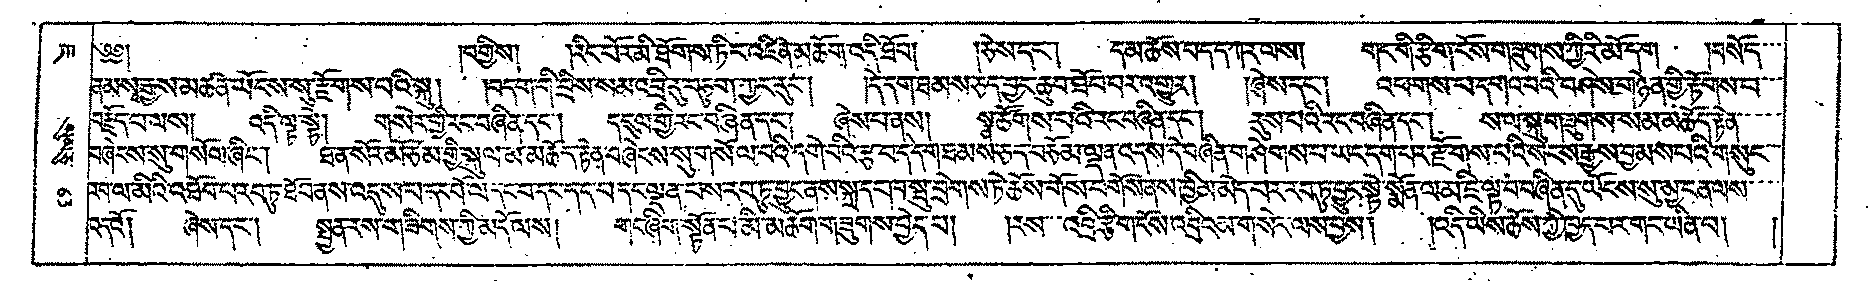༄༅། །བགྱིས། །རིང་པོར་མི་ཐོགས་ཏིང་འཛིན་མཆོག་འདི་ཐོབ། །ཅེས་དང་། དམ་ཆོས་པད་དཀར་ལས། གང་གི་རྩིག་ངོས་གཟུགས་ཀྱི་རི་མོ་དག །བསོད་
ནམས་བརྒྱས་མཚན་ཡོངས་སུ་རྫོགས་པའི་སྐུ། །བདག་གི་བྲིས་སམ་འབྲི་རུ་བཅུག་ཀྱང་རུང་། །དེ་དག་ཐམས་ཅད་བྱང་ཆུབ་ཐོབ་པར་འགྱུར། །ཞེས་དང་། འཕགས་པ་དགའ་བའི་བཤེས་གཉེན་གྱི་རྟོགས་པ་
བརྗོད་པ་ལས། འདི་ལྟ་སྟེ། གསེར་གྱི་རང་བཞིན་དང་། དངུལ་གྱི་རང་བཞིན་དང་། ཞེས་པ་ནས། སྣ་ཚོགས་པའི་རང་བཞིན་དང་། རུས་པའི་རང་བཞིན་དང་། ས་ལ་སྐུ་གཟུགས་སམ་མཆོད་རྟེན་
བཞེངས་སུ་གསོལ་ཞིང་། ཐན་སོར་མོ་ཙམ་གྱི་སྐུལ་མ་མཆོད་རྟེན་བཞེངས་སུ་གསོལ་བའི་དགེ་བའི་རྩ་བ་དེ་དག་ཐམས་ཅད་བཅོམ་ལྡན་འདས་དེ་བཞིན་གཤེགས་པ་ཡང་དག་པར་རྫོགས་པའི་སངས་རྒྱས་བྱམས་པའི་གསུང་
རབ་ལ་མིའི་འཐོབ་པ་རབ་ཏུ་ཐོབ་ནས་འདུས་པ་དང་པོ་ལ་དང་བ་དང་དད་པ་དང་ལྡན་པས་རབ་ཏུ་བྱུང་ནས་སྐྲ་དང་ཁ་སྤུ་བྲེགས་ཏེ་ཆོས་གོས་བགོས་ནས་ཁྱིམ་མེད་པར་རབ་ཏུ་བྱུང་སྟེ་སྨོན་ལམ་ཇི་ལྟ་བ་བཞིན་དུ་ཡོངས་སུ་མྱ་ངན་ལས་
འདའོ། ཞེས་དང་། སྤྱན་རས་གཟིགས་ཀྱི་མདོ་ལས། གང་ཞིག་སྟོན་པ་མི་མཆོག་གཟུགས་བྱེད་པ། །རས་འབྲི་རྩིག་ངོས་འབྲིའམ་གསེར་ལས་བྱས། འདི་ཡིས་ཆོས་ཀྱི་ཁྱད་པར་གང་ཡིན་པ། །